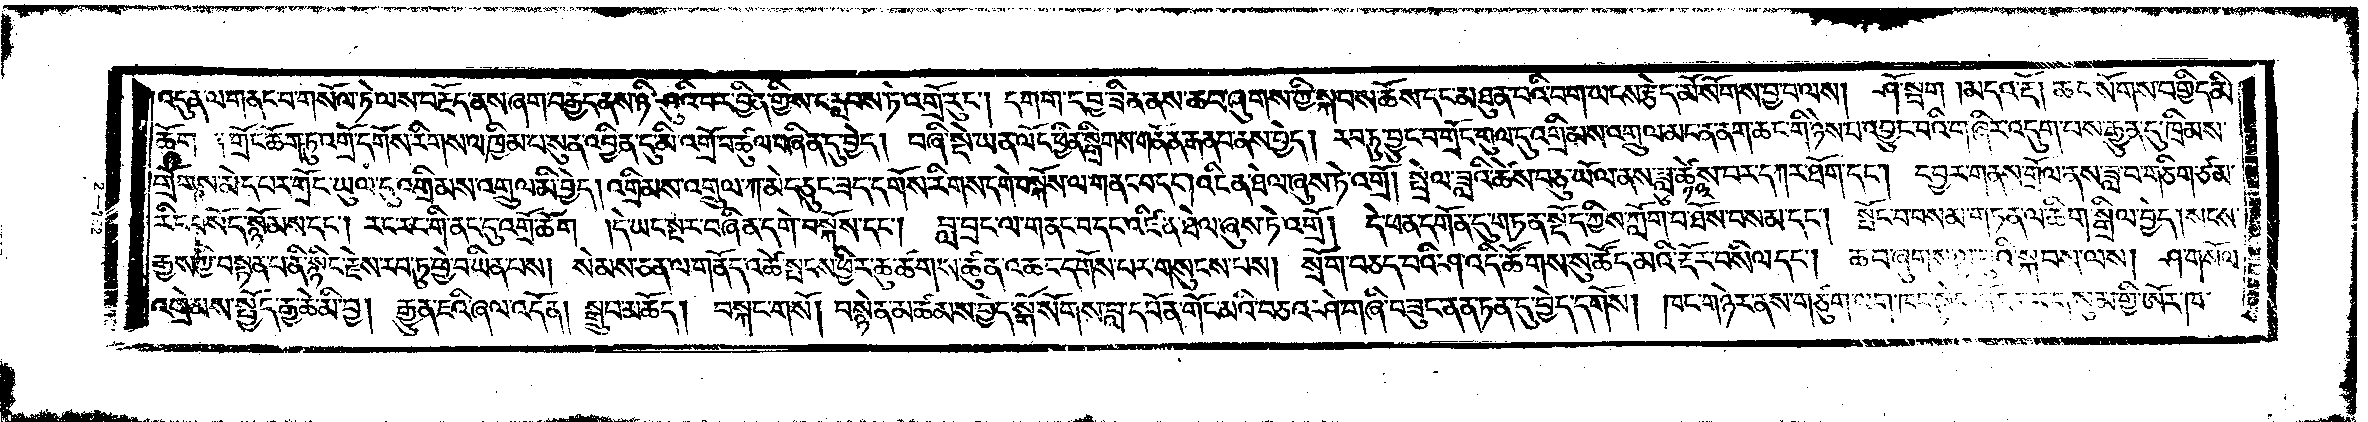འདུན་ལ་གནང་བ་གསོལ་ཏེ་ལས་བརྔོད་ནས་ཞག་བརྒྱད་ནས་ཉི་ཤུའི་བར་བྱིན་གྱིས་བརླབས་ཏེ་འགྲོ་རུང་། དགག་དབྱ་ཟིན་ནས་ཆབ་ཞུགས་ཀྱི་སྐབས་ཆོས་དང་མཐུན་པའི་བག་ཡངས་རྩེད་མོ་སོགས་བྱ་བ་ལས། ཤོ་སྦག །མདའ་རྡོ། ཆང་སོགས་བགྱིད་མི་
ཆོག ༑གྲོང་ཆོག་ཏུ་འགྲོ་དགོས་རིགས་ལ་ཁྱིམ་པ་སུན་འབྱིན་དུ་མི་འགྲོ་བ་ཚུལ་བཞིན་དུ་བྱེད། བཞི་སྡེ་ཡན་ལོང་ཕྱིན་སྒྲིགས་གནོན་རྒན་བ་ནས་བྱེད། རབ་ཏུ་བྱུང་བ་གྲོང་གུལ་དུ་འགྲིམས་འགྲུལ་མང་ན་ནག་ཆང་གི་ཉེས་པ་འབྱུང་བའི་གཞིར་འདུག་པས་རྒྱུན་དུ་ཁྲིམས་
གྲོགས་མེད་པར་གྲོང་ཡུལ་དུ་འགྲིམས་འགྲུལ་མི་བྱེད། འགྲིམས་འགྲུལ་ཀ་མེད་ཅུང་ཟད་དགོས་རིགས་དགེ་བསྐོས་ལ་གནང་བ་དང་། འཛིན་ཐེལ་ཞུས་ཏེ་འགྲོ། སྤྲེལ་ཟླའི་ཚེས་བཅུ་ཡོལ་ནས་ཟླ༦་ཚེས ༡༣་བར་དཀར་ཐོག་དང་། དབྱར་གནས་གྲོལ་ནས་ཟླ་བ་གཅིག་ཙམ་
རིང་བསོད་སྙོམས་དང་། རང་རང་གི་ནང་དུ་འགྲོ་ཆོག །དེ་ཡང་སྔར་བཞིན་དགེ་བསྐོས་དང་། བླ་བྲང་ལ་གནང་བ་དང་འཛིན་ཐེལ་ཞུས་ཏེ་འགྲོ། དེ་ཕན་དགོན་དུ་གཏན་སྡོད་ཀྱིས་ཀློག་བ་ཐོས་བསམ་དང་། སྤོང་བ་བསམ་གཏན་ལ་ཆིག་སྒྲིལ་བྱེད། སངས་
རྒྱས་ཀྱི་བསྟན་པ་ནི་སྙིང་རྗེས་རབ་ཏུ་ཕྱེ་བ་ཡིན་པས། སེམས་ཅན་ལ་གནོད་འཚེ་སྤངས་ཕྱིར་དུ་ཆུ་ཚགས་ཚུན་འཆད་དགོས་པར་གསུངས་པས། སྲོག་བཅད་པའི་ཤ་འདི་ཚོགས་སུ་ཚོད་མའི་རྡོར་བསིལ་དང་། ཆབ་ཞུགས་ལྟ་བུའི་སྐབས་ལས། ཤ་གསོལ་
འགྲེམས་སྤྱོད་རྒྱ་ཆེ་མི་བྱ། རྒྱུན་ཇའི་ཞལ་འདོན། སྒྲུབ་མཆོད། བསྐང་གསོ། བསྙེན་མཚམས་བྱེད་སྒོ་སོགས་བླ་དཔོན་གོང་མའི་བཅའ་ཤེ་གཞི་བཟུང་ནན་ཏན་དུ་བྱེད་དགོས། ཁང་གཉེར་ནས་གཙུག་ལག་ཁང་སྟེང་ཤོད་པར་གསུམ་གྱི་ཨོར་ཁ་